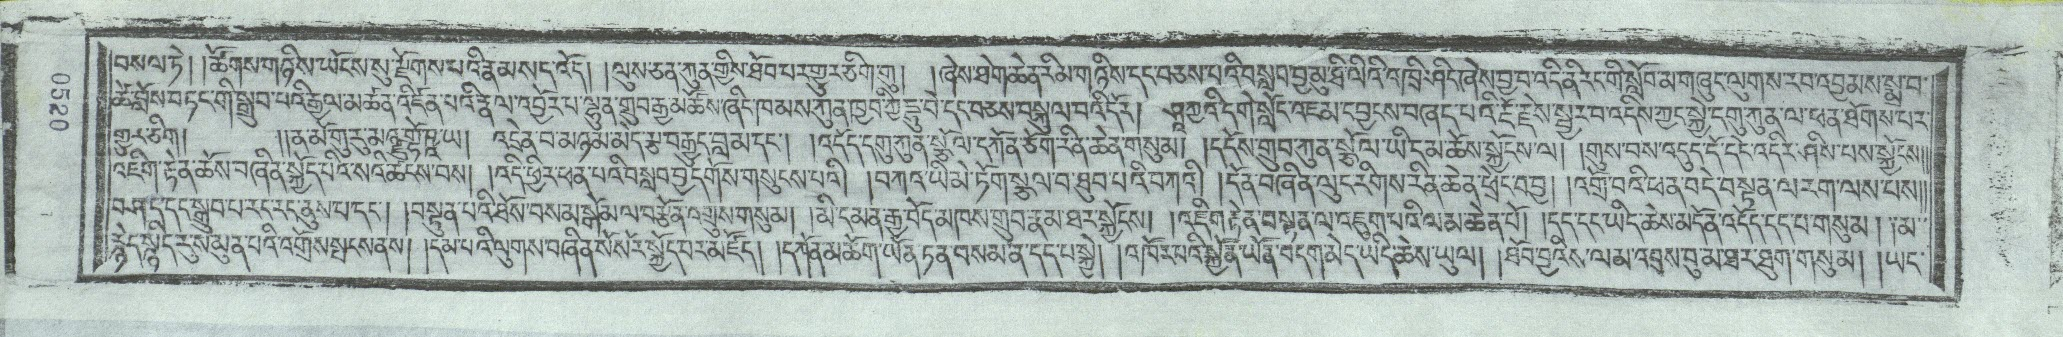བསལ་ཏེ། །ཚོགས་གཉིས་ཡོངས་སུ་རྫོགས་པའི་རྣམས་ད་འོད། །ལུས་ཅན་ཀུན་གྱིས་ཐོབ་པར་གྱུར་ཅིག་གུ། །ཞེས་ཐེག་ཆེན་རིམ་གཉིས་དང་བཅས་པའི་བསླབ་བྱ་མུ་ཐི་ལིའི་འཁྲི་ཤིང་ཞེས་བྱ་བ་འདི་ནི་རང་གི་སློབ་མ་གཞུང་ལུགས་རབ་འབྱམས་སྨྲ་བ་
ཚེ་བློས་བཏང་གི་སྒྲུབ་པའི་རྒྱལ་མཚན་འཛིན་པའི་རྣལ་འབྱོར་པ་ལྷུན་གྲུབ་རྒྱ་མཚོས་ཞིང་ཁམས་ཀུན་ཁྱབ་ཀྱི་དྷུ་བེ་དང་བཅས་བསྐུལ་བའི་དོར། ཤཱཀྱའི་དགེ་སློང་འཇམ་དབྱངས་བཞད་པའི་རྡོ་རྗེས་སྦྱར་བ་འདིས་ཀྱང་སྐྱེ་དགུ་ཀུན་ལ་ཕན་ཐོགས་པར་
གྱུར་ཅིག། །།ན་མོ་གུ་རུ་མཉྫུ་གྷོ་ཥཱ་ཡ། འདྲེན་པ་མཉམ་མེད་རྩ་བརྒྱུད་བླ་མ་དང་། །འདོད་དགུ་ཀུན་སྩོལ་དཀོན་ཅོག་རིན་ཆེན་གསུམ། །དངོས་གྲུབ་ཀུན་སྩོལ་ཡི་དམ་ཆོས་སྐྱོངས་ལ། །གུས་བས་འདུད་དོ་དེང་འདིར་ཤིས་པས་སྐྱོངས།
འཇིག་རྟེན་ཆོས་བཞིན་སྐྱོད་པའི་སའི་ཚངས་བས། །འདི་ཕྱིར་ཕན་པའི་བསླབ་བྱ་དགོས་གསུངས་པའི། །བཀའ་ཡི་མེ་ཏོག་སྩལ་བ་ཐུབ་པའི་བཀའི། །དོན་བཞིན་ལུང་རིགས་རིན་ཆེན་ཕྲེང་བ་བྱ། །འགྲོ་བའི་ཕན་བདེ་བསྟན་ལ་རག་ལས་པས།།
བཤད་དང་སྒྲུབ་པ་རང་རང་ནུས་པ་དང་། །བསྟུན་པའི་ཐོས་བསམ་སྒོམ་ལ་བརྩོན་འགྲུས་གསུམ། །མི་དམན་རྒྱ་བོད་མཁས་གྲུབ་རྣམ་ཐར་སྐྱོངས། །འཇིག་རྟེན་བསྟན་ལ་འཇུག་པའི་ལམ་ཆེན་པོ། །དད་དང་ཡིད་ཆེས་མདོན་འདོད་དད་པ་གསུམ། །མ་
རྙེད་སྙིད་རུས་མུན་པའི་འགྲོས་སྤངས་ནས། །དམ་པའི་ལུགས་བཞིན་སོ་སོར་སྐྱོད་པར་མཛོད། །དཀོན་མཆོག་ཡོན་ཏན་བསམ་ན་དད་པ་སྐྱེ། །འཁོར་བའི་སྐྱོན་ཡོན་བདག་མེད་ཡིད་ཆེས་ཡུལ། །ཐོབ་བྱའི་ས་ལམ་འབྲས་བུ་མཐར་ཐུག་གསུམ། །ཡང་